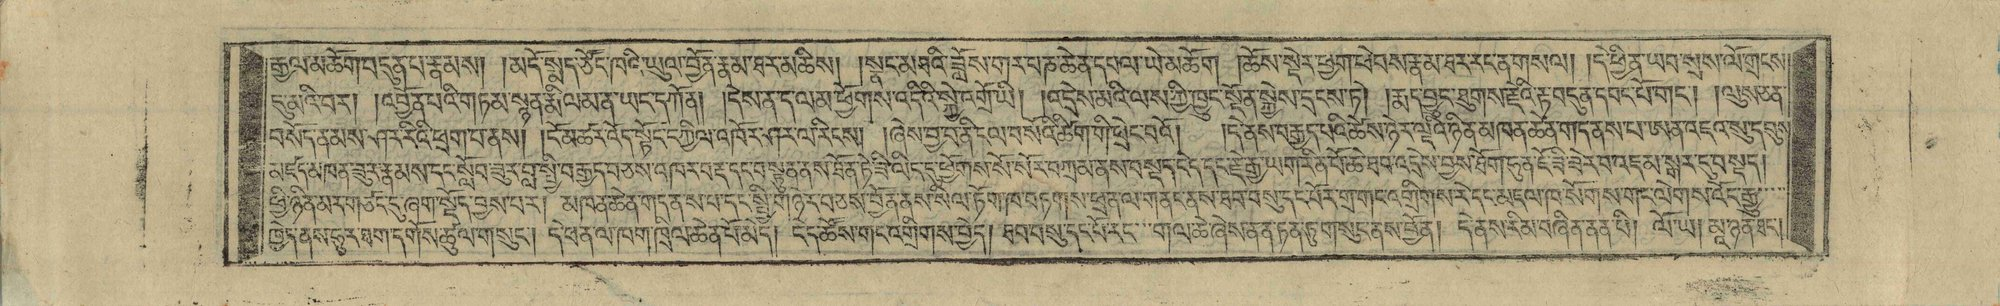རྒྱལ་མཆོག་བདུན་པ་རྣམས། །མདོ་སྨད་ཙོང་ཁའི་ཡུལ་བྱོན་རྣམ་ཐར་མཆིས། །སྣང་མཐའི་ཟློས་གར་པཎ་ཆེན་དཔལ་ཡེ་མཆོག །ཆོས་སྡེར་ཕྱག་ཕེབས་རྣམ་ཐར་རང་ན་གསལ། །དེ་ཕྱིན་ཡབ་སྲས་ལོ་གྲངས་
དུ་མའི་བར། །འབྱོན་པའི་གཏམ་སྙན་རྨི་ལམ་ན་ཡང་དཀོན། །དེས་ན་ད་ལམ་ཕྱོགས་འདིའི་སྐྱེ་འགྲོ་ཡི། །འདྲེས་མའི་ལས་ཀྱི་ཁྱུང་སྔོན་སྐྱེས་དྲངས་ཏེ། །རྨད་བྱུང་ཐུགས་རྗེའི་རྟ་བདུན་དབང་པོ་གང་། །ལུས་ཅན་
བསོད་ནམས་ཤར་རིའི་ཕྲག་པ་ནས། །ངོ་མཚར་འོད་སྟོང་དཀྱིལ་འཁོར་ཤར་ལ་རིངས། །ཞེས་བྱ་བ་ནི་ངལ་བསོའི་ཚིག་གི་ཕྲེང་བའོ། །དེ་ནས་བརྒྱད་པའི་ཚེས་ཉེར་ལྔའི་ཉིན་མཁན་ཆེན་གད་ནས་པ་ཨན་འཇའ་སུ་དབུས་
མཛད་མཁན་ཟུར་རྣམས་དང་སློབ་ཟུར་བླ་སྤྱི་བརྒྱད་བཅས་འཁར་བརྡ་དང་བསྟུན་ནས་ཐོན་ཏེ་ཟི་ལིང་དུ་ཕྱོགས་སོ་སོར་བཀྲམ་ནས་བསྡད་ངེ་དྡང་རྗེ་རྒྱ་ཡག་རིན་པོ་ཆེ་ཐབ་འདྲེས་བྱས་ཐོག་ཧུན་ཇོ་ཟི་ཟེར་བ་འཇམ་སྒར་དུ་བསྡད།
ཕྱི་ཉིན་མར་གཙང་དུ་ཞག་སྡོད་བྱས་པར། མཁན་ཆེན་གདན་ས་བ་དང་སྤྱི་གཉེར་བཅས་བྱོན་ནས་སིལ་ཏོག་ཁ་བཏགས་ཕྲན་ལ་གནང་ནས་ཐབ་བསུ་དང་པོར་གྲ་གང་འགྲིགས་རེ་དང་མཇལ་ཁ་སོགས་གང་ལེགས་འོང་རྒྱུ་
ཁྱེད་ནས་ཧུར་ཐག་དགོས་ཚུལ་གསུང་། དེ་ཕན་ལ་ཁག་ཁྲིལ་ཆེན་པོ་མེད། ངེད་ཚོས་གང་འགྲིགས་བྱེད། ཐབ་བསུ་དང་པོ་རང་གལ་ཆེ་ཞེས་ནན་ཏན་ཏུ་གསུང་ནས་བྱོན། དེ་ནས་རིམ་བཞིན་ནན་པི། ལོ་ཡ། མཱ་ཉན་ཐང་།